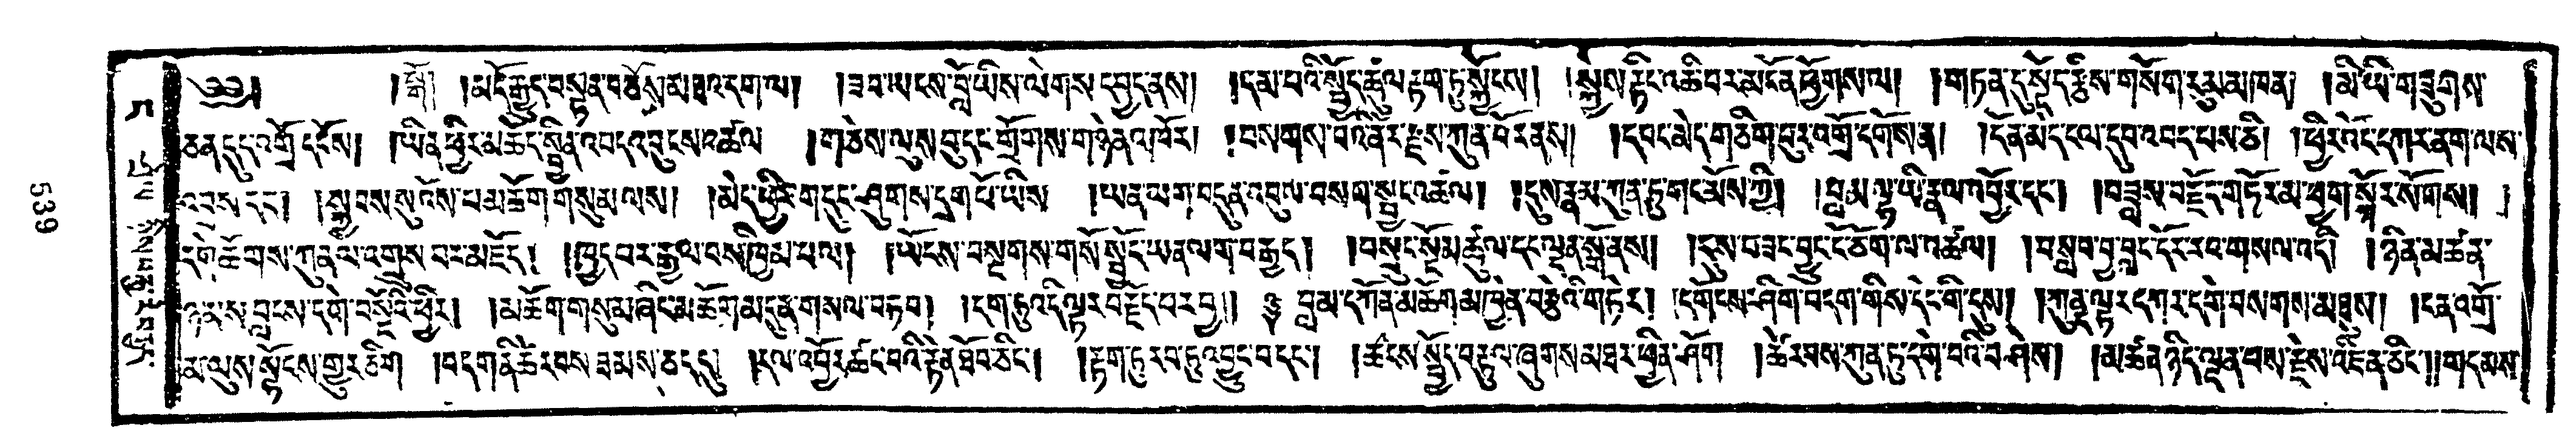༄༅། །སྒོ། །མདོ་རྒྱུད་བསྟན་བཅོས་མཐའ་དག་ལ། །ཟབ་ཡངས་བློ་ཡིས་ལེགས་དབྱད་ནས། །དམ་པའི་སྤྱོད་ཚུལ་རྟག་ཏུ་སྐྱོངས། །སྐྱེས་རྟིང་འཆི་བར་མངོན་ཕྱོགས་ལ། །གཏན་དུ་སྡོད་རྩིས་གསོག་རུམ་མཁན། །མི་ཡི་གཟུགས་
ཅན་དུད་འགྲོ་དངོས། །ཡིན་ཕྱིར་མཆོད་སྦྱིན་འབད་འབུངས་འཚལ་།གཅེས་ལུས་བུ་དང་གྲོགས་གཉེན་འཁོར། །བསགས་པའི་ནོར་རྫས་ཀུན་བོར་ནས། །དབང་མེད་གཅིག་བུར་འགྲོ་དགོས་ན། །དོན་མེད་ངལ་དུབ་འབད་པས་ཅི། །ཕྱིར་འོད་དཀར་ནག་ལས་
འབྲས་དང་། །སྐྱབས་སུ་འོས་པ་མཆོག་གསུམ་ལས། །མེད་ཕྱིར་གདུང་ཤུགས་དྲག་པོ་ཡིས་།ཡན་ལག་བདུན་འབུལ་བསག་སྦྱང་འཚལ། །དུས་རྣམ་ཀུན་ཏུ་གང་མོས་ཀྱི། །བླ་མ་ལྷ་ཡི་རྣལ་འབྱོར་དང་། །བཟླས་བརྗོད་གཏོར་མ་ཕྱག་སྐོར་སོགས། །
དགེ་ཚོགས་ཀུན་ལ་འགྲུས་བར་མཛོད། །ཁྱད་བར་རྒྱལ་བས་ཁྱིམ་པ་ལ། །ཡོངས་བསྔགས་གསོ་སྦྱོང་ཡན་ལག་བརྒྱད། །བསྲུང་སྔོམ་ཚུལ་དང་ལྡན་སྒོ་ནས། །དུས་བཟང་བྱུང་ངོ་ཅོག་ལ་འཚལ། །བསླབ་བྱ་བླང་དོར་རབ་གསལ་འདི། །ཉིན་མཚན་
ཉམས་བླངས་དགེ་བསྔོའི་ཕྱིར། །མཆོག་གསུམ་ཞིང་མཆོག་མདུན་གསལ་བཏབ། །དག་ཏུ་འདི་ལྟར་བརྗོད་བར་བྱ།། ༈ བླ་མ་དཀོན་མཆོག་མཁྱེན་བརྩེའི་གཏེར། །དགོངས་ཤིག་བདག་གིས་དེང་གི་དུས། །ཀུནྡ་ལྟར་དཀར་དགེ་བསགས་མཐུས། །ངན་འགྲོ་
མ་ལུས་སྟོངས་གྱུར་ཅིག །བདག་ནི་ཚེ་རབས་ཐམས་ཅད་དུ། །དལ་འབྱོར་ཚང་བའི་ཐོབ་ཅིང་། །རྟག་ཏུ་རབ་ཏུ་འབྱུང་བ་དང་། །ཚངས་སྤྱོད་བརྟུལ་ཞུགས་མཐར་ཕྱིན་ཤོག །ཚེ་རབས་ཀུན་ཏུ་དགེ་བའི་བཤེས། །མཚན་ཉིད་ལྡན་པས་རྗེས་འཛིན་ཅིང་། །གདམས་